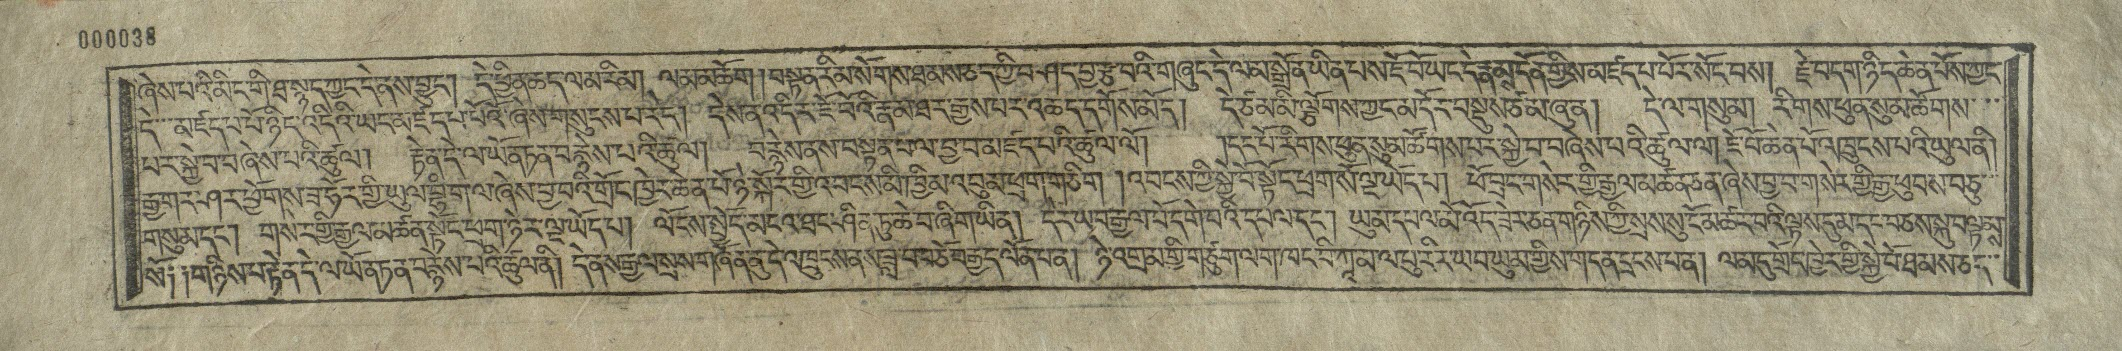ཞེས་པའི་མིང་གི་ཐ་སྙད་ཀྱང་དེ་ནས་བྱུང་། དེ་ཕྱིན་ཆད་ལམ་རིམ། ལམ་མཆོག །བསྟན་རིམ་སོགས་ཐམས་ཅད་ཀྱི་བཤད་བྱ་རྩ་བའི་གཞུང་དེ་ལམ་སྒྲོན་ཡིན་པས་ཇོ་བོ་ཡང་དེ་རྣམས་དོན་གྱིས་མཛད་པ་པོར་སོང་བས། རྗེ་བདག་ཉིད་ཆེན་པོས་ཀྱང་
དེ་མཛད་པ་པོ་ཉིད་འདིའི་ཡང་མཛད་པ་པོའོ་ཞེས་གསུངས་པ་རེད། དེས་ན་འདིར་ཇོ་བོའི་རྣམ་ཐར་རྒྱས་པར་འཆད་དགོས་མོད། དེ་ཙམ་མི་ལྕོགས་ཀྱང་མདོར་བསྡུས་ཙམ་ཞུ་ན། དེ་ལ་གསུམ། རིགས་ཕུན་སུམ་ཚོགས་
པར་སྐྱེ་བ་བཞེས་པའི་ཚུལ། རྟེན་དེ་ལ་ཡོན་ཏན་བརྙེས་པའི་ཚུལ། བརྙེས་ནས་བསྟན་པ་ལ་བྱ་བ་མཛད་པའི་ཚུལ་ལོ། །དང་པོ་རིགས་ཕུན་སུམ་ཚོགས་པར་སྐྱེ་བ་བཞེས་པའི་ཚུལ་ལ། ཇོ་བོ་ཆེན་པོ་འཁྲུངས་པའི་ཡུལ་ནི།
རྒྱ་གར་ཤར་ཕྱོགས་ཟ་ཧོར་གྱི་ཡུལ་བྷཾ་ག་ལ་ཞེས་བྱ་བའི་གྲོང་ཁྱེར་ཆེན་པོ་ཉེ་སྐོར་གྱི་འབངས་མི་ཁྱིམ་འབུམ་ཕྲག་གཅིག །འབངས་ཀྱི་སྐྱེ་བོ་སྟོང་ཕྲག་སོ་ལྔ་ཡོད་པ། ཕོ་བྲང་གསེར་གྱི་རྒྱལ་མཚན་ཅན་ཞེས་བྱ་བ་གསེར་གྱི་རྒྱ་ཕུབས་བཅུ་
གསུམ་དང་། གསེར་གྱི་རྒྱལ་མཚན་སྟོང་ཕྲག་ཉེར་ལྔ་ཡོད་པ། ལོངས་སྤྱོད་མངའ་ཐང་ཤིན་ཏུ་ཆེ་བ་ཞིག་ཡིན། དེར་ཡབ་རྒྱལ་པོ་དགེ་བའི་དཔལ་དང་། ཡུམ་དཔལ་མོ་འོད་ཟེར་ཅན་གཉིས་ཀྱི་སྲས་སུ་ངོ་མཚར་བའི་ལྟས་དུ་མ་དང་བཅས་སྐུ་བལྟམས་
སོ༑ ༑གཉིས་པ་རྟེན་དེ་ལ་ཡོན་ཏན་བརྙེས་པའི་ཚུལ་ནི། དེ་ནས་རྒྱལ་སྲས་གཞོན་ནུ་དེ་འཁྲུངས་ནས་ཟླ་བ་བཅོ་བརྒྱད་ལོན་པ་ན། ཉེ་འགྲམ་གྱི་གཙུག་ལག་ཁང་བི་ཀཱ་མ་ལ་པུ་རིར་ཡབ་ཡུམ་གྱིས་གདན་དྲངས་པ་ན། ལམ་དུ་གྲོང་ཁྱེར་གྱི་སྐྱེ་བོ་ཐམས་ཅད་